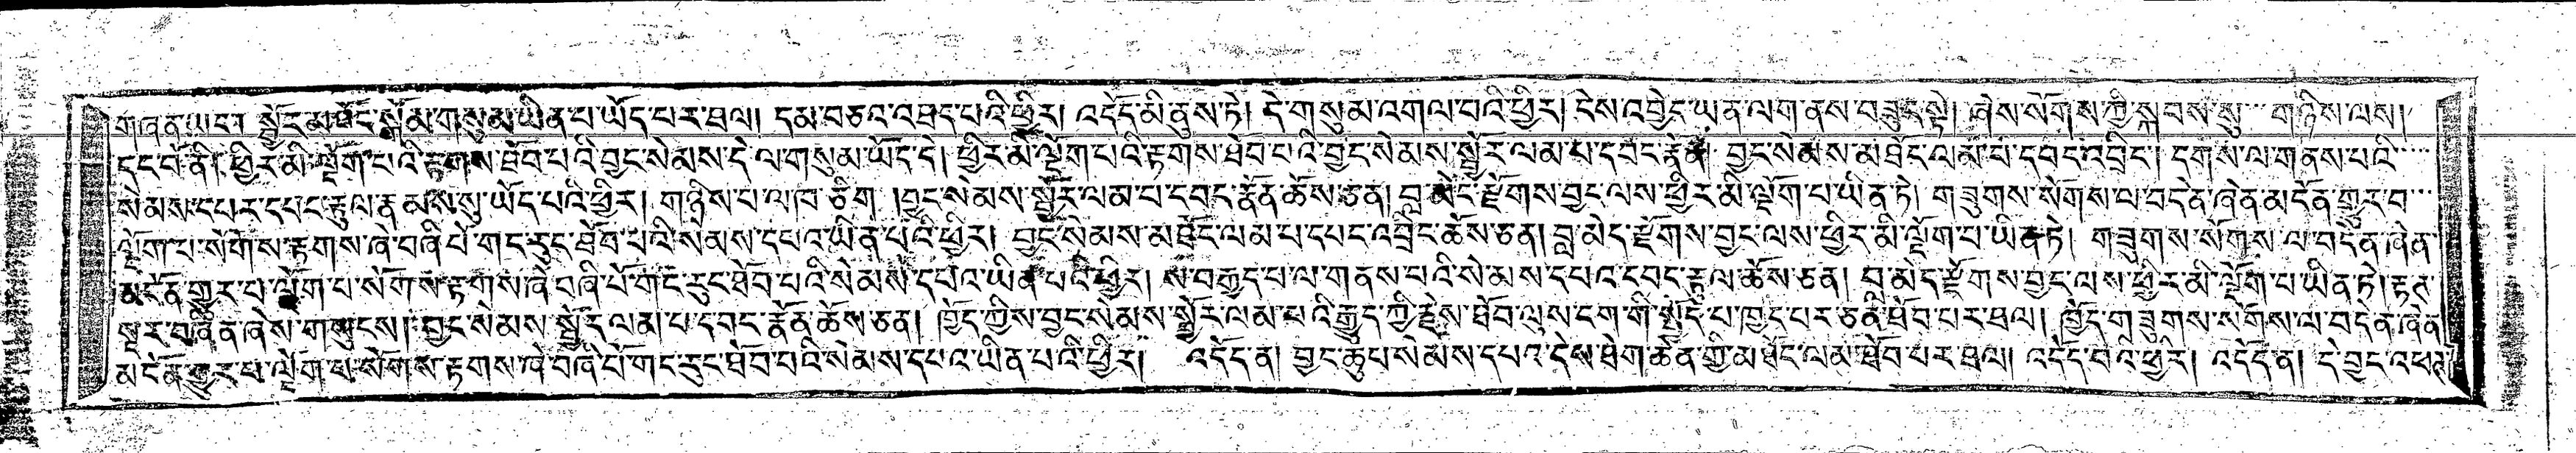གཞན་ཡང་། སྦྱོར་མཐོང་སྒོམ་གསུམ་ཡིན་པ་ཡོད་པར་ཐལ། དམ་བཅའ་འཐད་པའི་ཕྱིར། འདོད་མི་ནུས་ཏེ། དེ་གསུམ་འགལ་བའི་ཕྱིར། ངེས་འབྱེད་ཡན་ལག་ནས་བཟུང་སྟེ། ཞེས་སོགས་ཀྱི་སྐབས་སུ་གཉིས་ལས།
དང་པོ་ནི། ཕྱིར་མི་ལྡོག་པའི་རྟགས་ཐོབ་པའི་བྱང་སེམས་དེ་ལ་གསུམ་ཡོད་དེ། ཕྱིར་མི་ལྡོག་པའི་རྟགས་ཐོབ་པའི་བྱང་སེམས་སྦྱོར་ལམ་པ་དབང་རྣོན། བྱང་སེམས་མཐོང་ལམ་པ་དབང་འབྲིང་། དག་ས་ལ་གནས་པའི་
སེམས་དཔའ་དབང་རྟུལ་རྣམས་སུ་ཡོད་པའི་ཕྱིར། གཉིས་པ་ལ་ཁ་ཅིག །བྱང་སེམས་སྦྱོར་ལམ་པ་དབང་རྣོན་ཆོས་ཅན། བླ་མེད་རྫོགས་བྱང་ལས་ཕྱིར་མི་ལྡོག་པ་ཡིན་ཏེ། གཟུགས་སོགས་ལ་བདེན་ཞེན་མངོན་གྱུར་བ་
ལྡོག་པ་སོགས་རྟགས་ཞེ་བཞི་པོ་གང་རུང་ཐོབ་པའི་སེམས་དཔའ་ཡིན་པའི་ཕྱིར། བྱང་སེམས་མཐོང་ལམ་པ་དབང་འབྲིང་ཆོས་ཅན། བླ་མེད་རྫོགས་བྱང་ལས་ཕྱིར་མི་ལྡོག་པ་ཡིན་ཏེ། གཟུགས་སོགས་ལ་བདེན་ཞེན་
མངོན་གྱུར་བ་ལྡོག་པ་སོགས་རྟགས་ཞེ་བཞི་པོ་གང་རུང་ཐོབ་པའི་སེམས་དཔའ་ཡིན་པའི་ཕྱིར། ས་བརྒྱད་པ་ལ་གནས་པའི་སེམས་དཔའ་དབང་རྟུལ་ཆོས་ཅན། བླ་མེད་རྫོགས་བྱང་ལས་ཕྱིར་མི་ལྡོག་པ་ཡིན་ཏེ། རྟགས་
སྔར་བཞིན་ཞེས་གསུངས། བྱང་སེམས་སྦྱོར་ལམ་པ་དབང་རྣོན་ཆོས་ཅན། ཁྱོད་ཀྱིས་བྱང་སེམས་སྦྱོར་ལམ་པའི་རྒྱུད་ཀྱི་རྗེས་ཐོབ་ལུས་ངག་གི་སྤྱོད་པ་ཁྱད་པར་ཅན་ཐོབ་པར་ཐལ། ཁྱོད་གཟུགས་སོགས་ལ་བདེན་ཞེན་
མངོན་གྱུར་པ་ལྡོག་པ་སོགས་རྟགས་ཞེ་བཞི་པོ་གང་རུང་ཐོབ་པའི་སེམས་དཔའ་ཡིན་པའི་ཕྱིར། འདོད་ན། བྱང་ཆུབ་སེམས་དཔའ་དེས་ཐེག་ཆེན་གྱི་མཐོང་ལམ་ཐོབ་པར་ཐལ། འདོད་པའི་ཕྱིར། འདོད་ན། དེ་བྱང་འཕགས་